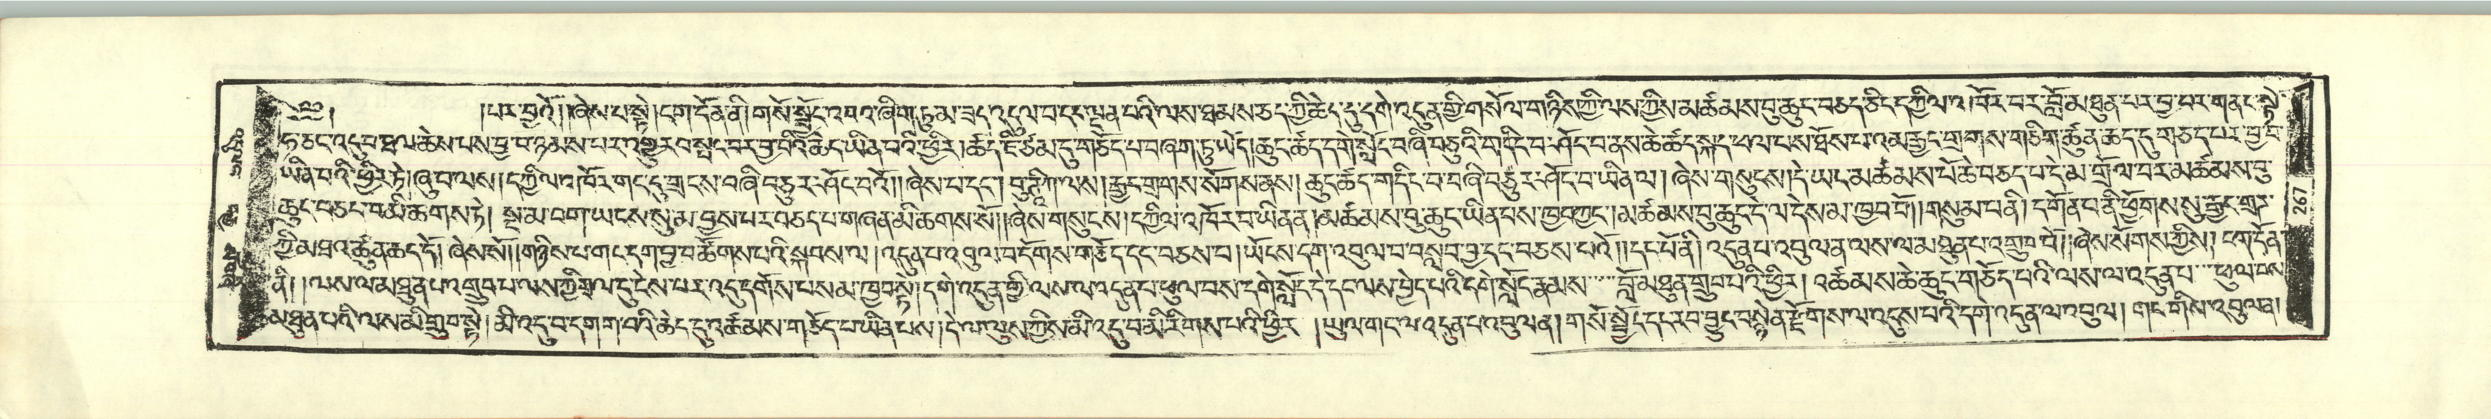༄༅། །པར་བྱའོ། །ཞེས་པ་སྟེ། ངག་དོན་ནི། གསོ་སྦྱོང་འབའ་ཞིག་ཏུ་མ་ཟད་འདུལ་བ་དང་ལྡན་པའི་ལས་ཐམས་ཅད་ཀྱི་ཆེད་དུ་དགེ་འདུན་གྱི་གསོལ་གཉིས་ཀྱི་ལས་ཀྱིས་མཚམས་བུ་ཆུང་བཅད་ཅིང་དཀྱིལ་འཁོར་བར་བློ་མཐུན་པར་བྱ་བར་གནང་སྟེ་
ཧ་ཅང་འདུ་བ་ཐལ་ཆེས་པས་བྱ་བ་ཉམས་པར་འགྱུར་བ་སྤང་བར་བྱ་བའི་ཆེད་ཡིན་པའི་ཕྱིར། ཚད་ཇི་ཙམ་དུ་གཅོད་པ་བཞག་ཏུ་ཡོད། ཆུང་ཚད་དགེ་སློང་བཞི་བཅུའི་གདིང་བ་ཤོང་བ་ནས་ཆེ་ཚད་སྐད་ཕལ་པས་ཐོས་པ་འམ་རྒྱང་གྲགས་གཅིག་ཚུན་ཆད་དུ་གཅད་པར་བྱ་བ་
ཡིན་པའི་ཕྱིར་ཏེ། ཞུ་བ་ལས། དཀྱིལ་འཁོར་གང་དུ་གྲངས་བཞི་བཅུར་ཤོང་བའོ། །ཞེས་པ་དང་། བུ་ཊཱིཀ་ལས། རྒྱང་གྲགས་སོགས་ནས། ཆུང་ཚད་གདིང་བ་བཞི་བཅུར་ཤོང་བ་ཡིན་ལ། ཞེས་གསུངས། དེ་ཡང་མཚམས་པོ་ཆེ་བཅད་པ་དེ་མ་གྲོལ་བར་མཚམས་བུ་
ཆུང་བཅད་བ་མི་ཆགས་ཏེ། སྔ་མ་བག་ཡངས་སུ་མ་བྱས་པར་བཅད་པ་གཞན་མི་ཆགས་སོ། །ཞེས་གསུངས། དཀྱིལ་འཁོར་བ་ཡིན་ན། མཚམས་བུ་ཆུང་ཡིན་པས་ཁྱབ་ཀྱང་། མཚམས་བུ་ཆུང་དེ་ལ་དེས་མ་ཁྱབ་བོ། །གསུམ་པ་ནི། དགོན་པ་ནི་ཕྱོགས་སུ་རྒྱང་གྲགས་
ཀྱི་མཐའ་ཚུན་ཆད་དོ། ཞེས་སོ། །གཉིས་པ་གང་དག་བྱ་བ་ཚོགས་པའི་སྐབས་ལ། འདུན་པ་འབུལ་བ་དོགས་གཅོད་དང་བཅས་པ། ཡོངས་དག་འབུལ་བ་བསླབ་བྱ་དང་བཅས་པའོ། །དང་པོ་ནི། འདུན་པ་འབུལ་ན་ལས་ལ་མཐུན་པ་འགྲུབ་བོ། །ཞེས་སོགས་ཀྱིས། ངག་དོན་
ནི། །ལས་ལ་མཐུན་པ་འགྲུབ་པ་ལས་ཀྱི་གྲལ་དུ་ངེས་པར་འདུ་དགོས་བསམ་ཁྱབ་སྟེ། དགེ་འདུན་གྱི་ལས་ལ་འདུན་པ་ཕུལ་བས་དགེ་སློང་དེ་དང་ལས་བྱེད་པའི་དགེ་སློང་རྣམས་བློ་མཐུན་གྲུབ་པའི་ཕྱིར། འཚམས་ཆེ་ཆུང་གཅོད་པའི་ལས་ལ་འདུན་པ་ཕུལ་བས་
མཐུན་པའི་ལས་མི་གྲུབ་སྟེ། མི་འདུ་བ་དགག་བའི་ཆེད་དུ་འཚམས་གཅོད་པ་ཡིན་པས། དེ་ལ་ལུས་ཀྱིས་མི་འདུ་བ་མི་རིགས་པའི་ཕྱིར། ཡུལ་གང་ལ་འདུན་པ་འབུལ་ན། གསོ་སྦྱོང་དང་རབ་བྱུང་བསྙེན་རྫོགས་ལ་འདུས་པའི་དགེ་འདུན་ལ་འབུལ། གང་གིས་འབུལ་ན།